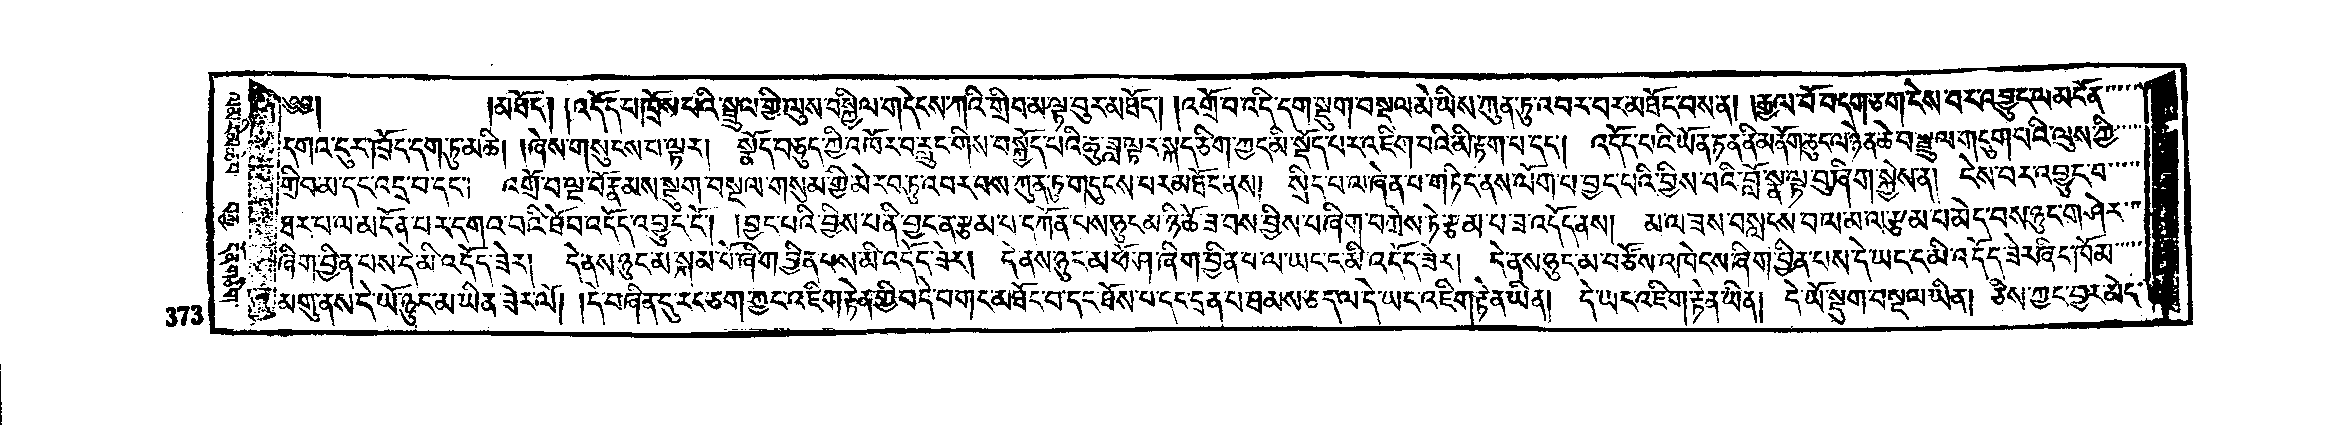༄༅། །མཐོང་། །འདོད་པ་ཁྲོས་པའི་སྦྲུལ་གྱི་ལུས་བསྐྱིལ་གདེངས་ཀའི་གྲིབ་མ་ལྟ་བུར་མཐོང་། །འགྲོ་བ་འདི་དག་སྡུག་བསྔལ་མེ་ཡིས་ཀུན་ཏུ་འབར་བར་མཐོང་བས་ན། །རྒྱལ་པོ་བདག་ཅག་ངེས་པར་འབྱུང་ལ་མངོན་
དགའ་དུར་ཁྲོད་དག་ཏུ་མཆི། །ཞེས་གསུངས་པ་ལྟར། སྣོད་བཅུད་ཀྱི་འཁོར་བ་རླུང་གིས་བསྐྱོད་པའི་ཆུ་ཟླ་ལྟར་སྐད་ཅིག་ཀྱང་མི་སྡོད་པར་འཇིག་པའི་མི་རྟག་པ་དང་། འདོད་པའི་ཡོན་ཏན་ནི་མནོག་ཆུང་ལ་ཉེན་ཆེ་བ་སྦྲུལ་གདུག་པའི་ལུས་ཀྱི་
གྲིབ་མ་དང་འདྲ་བ་དང་། འགྲོ་བ་ལྔ་པོ་རྣམས་སྡུག་བསྔལ་གསུམ་གྱི་མེ་རབ་ཏུ་འབར་བས་ཀུན་ཏུ་གདུངས་པར་མཐོང་ནས། སྲིད་པ་ལ་ཞེན་པ་གཏིང་ནས་ལོག་པ་བྱང་པའི་བྱིས་པའི་བློ་སྣ་ལྟ་བུ་ཞིག་སྐྱེས་ན། ངེས་པར་འབྱུང་བ་
ཐར་པ་ལ་མངོན་པར་དགའ་བའི་ཐོབ་འདོད་འབྱུང་ངོ། །བྱང་པའི་བྱིས་པ་ནི་བྱང་ན་རྩམ་པ་དཀོན་པས་ཉུང་མ་ཉི་ཚེ་ཟ་བས་བྱིས་པ་ཞིག་བཀྲེས་ཏེ་རྩམ་པ་ཟ་འདོད་ནས། མ་ལ་ཟས་བསླངས་པ་ལ་མ་ལ་རྩམ་པ་མེད་པས་ཉུང་གཤེར་
ཞིག་བྱིན་པས་དེ་མི་འདོད་ཟེར། དེ་ནས་ཉུང་མ་སྐམ་པོ་ཞིག་བྱིན་པས་མི་འདོད་ཟེར། དེ་ནས་ཉུང་མ་ཕོ་ཤ་ཞིག་བྱིན་པ་ལ་ཡང་ང་མི་འདོད་ཟེར། དེ་ནས་ཉུང་མ་བཙོས་འཁེངས་ཞིག་བྱིན་པས་དེ་ཡང་ང་མི་འདོད་ཟེར་ཞིང་ཁོ་མ་
མགུ་ནས་དེ་ཡོ་ཉུང་མ་ཡིན་ཟེར་ལོ། །དེ་བཞིན་དུ་རང་ཅག་ཀྱང་འཇིག་རྟེན་གྱི་བདེ་བ་གང་མཐོང་བ་དང་ཐོས་པ་དང་དྲན་པ་ཐམས་ཅད་ལ་དེ་ཡང་འཇིག་རྟེན་ཡིན། དེ་ཡང་འཇིག་རྟེན་ཡིན། དེ་ཡོ་སྡུག་བསྔལ་ཡིན། ཅིས་ཀྱང་བྱར་མེད་